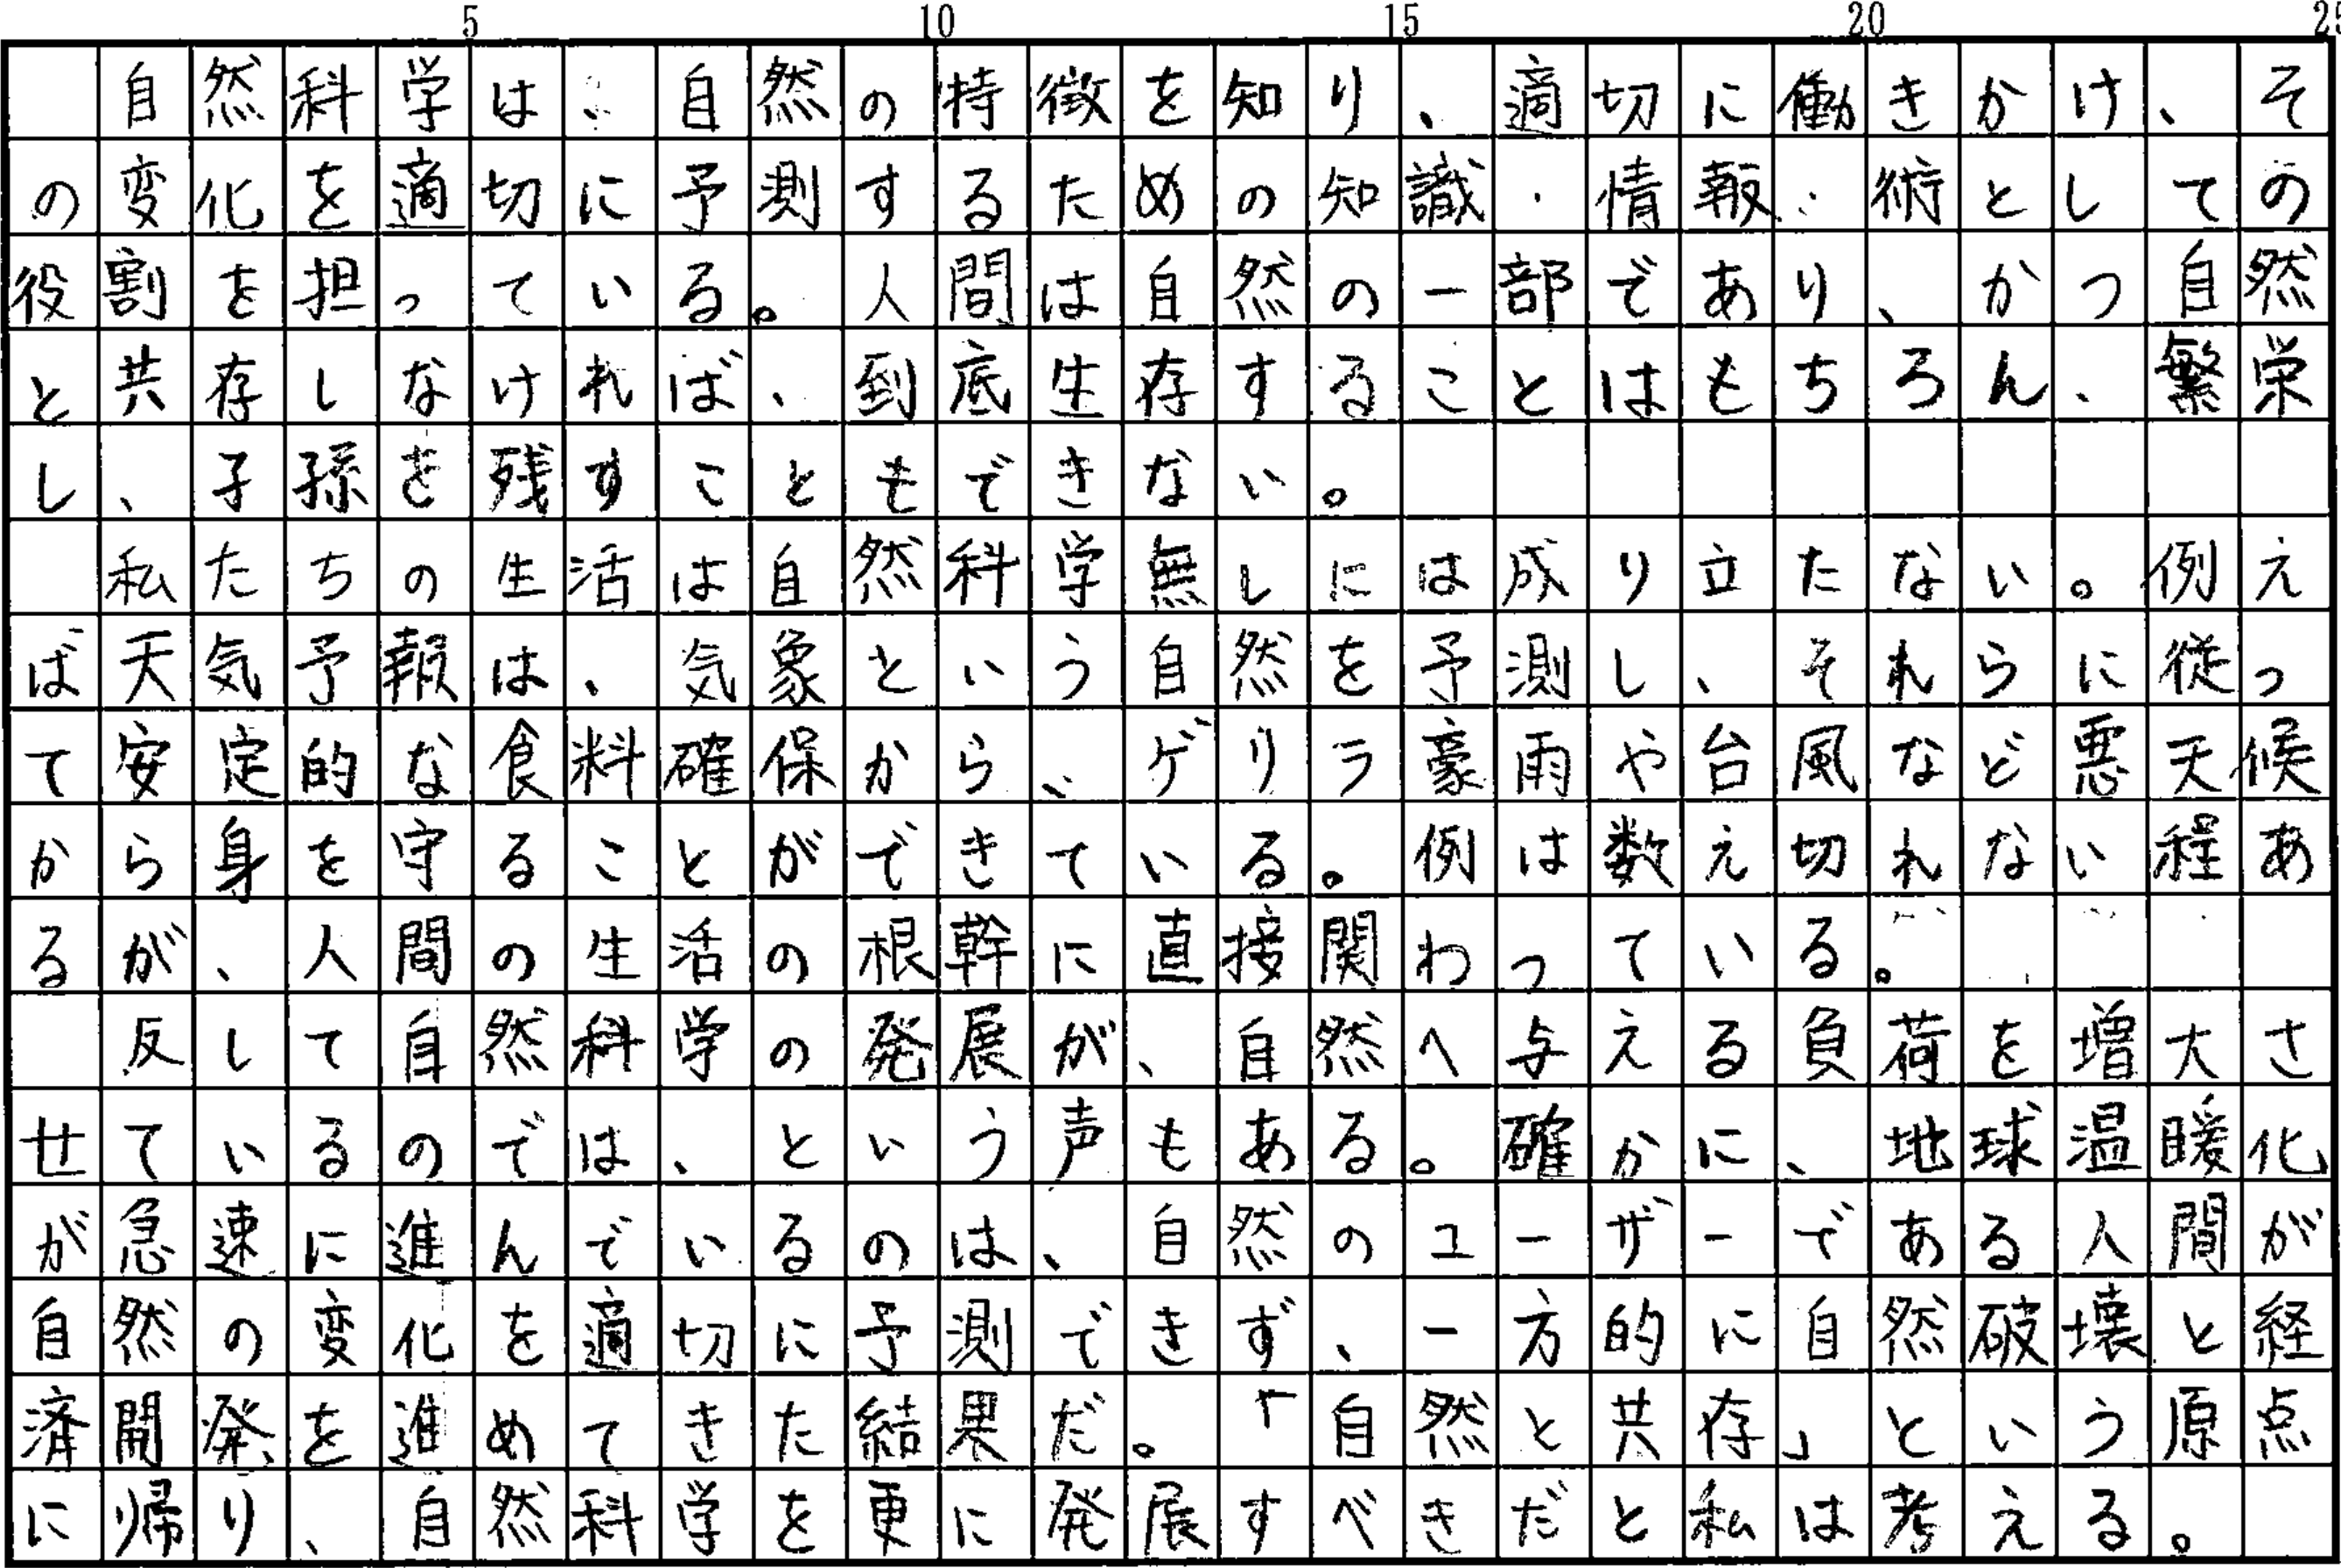　自然科学は、自然の特徴を知り、適切に働きかけ、その変化を適切に予測するための知識・情報・術としての役割を担っている。人間は自然の一部であり、かつ自然と共存しなければ、到底生存することはもちろん、繁栄し、子孫を残すこともできない。
　私たちの生活は自然科学無しには成り立たない。例えば天気予報は、気象という自然を予測し、それらに従って安定的な食料確保から、ゲリラ豪雨や台風など悪天候から身を守ることができている。例は数え切れない程あるが、人間の生活の根幹に直接関わっている。
　反して自然科学の発展が、自然へ与える負荷を増大させているのでは、という声もある。確かに、地球温暖化が急速に進んでいるのは、自然のユーザーである人間が自然の変化を適切に予測できず、一方的に自然破壊と経済開発を進めてきた結果だ。「自然と共存」という原点に帰り、自然科学を更に発展すべきだと私は考える。
